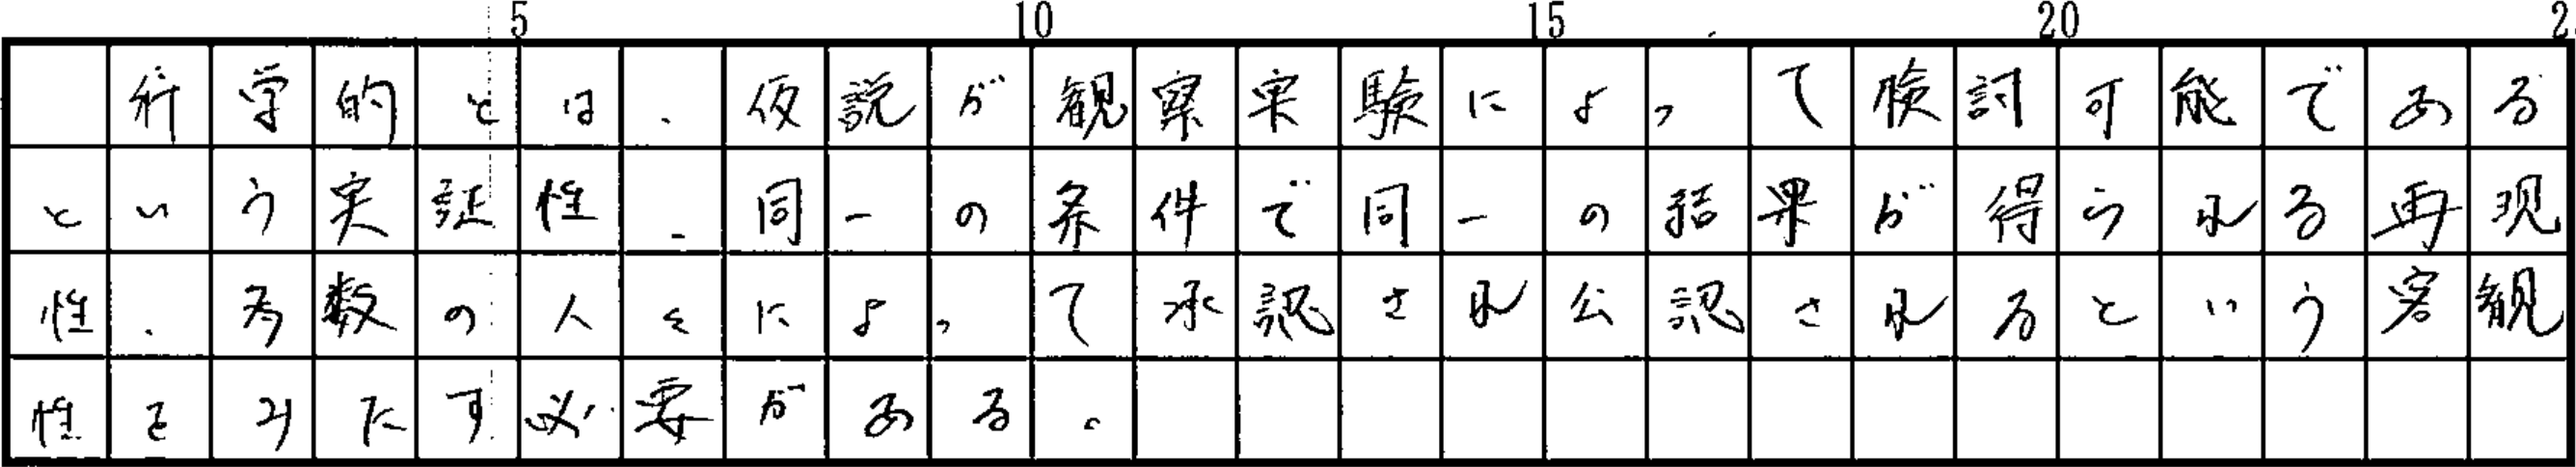　科学的とは、仮説が観察実験によって検討可能であるという実証性、同一の条件で同一の結果が得られる再現性、多数の人々によって承認され公認されるという客観性をみたす必要がある。
